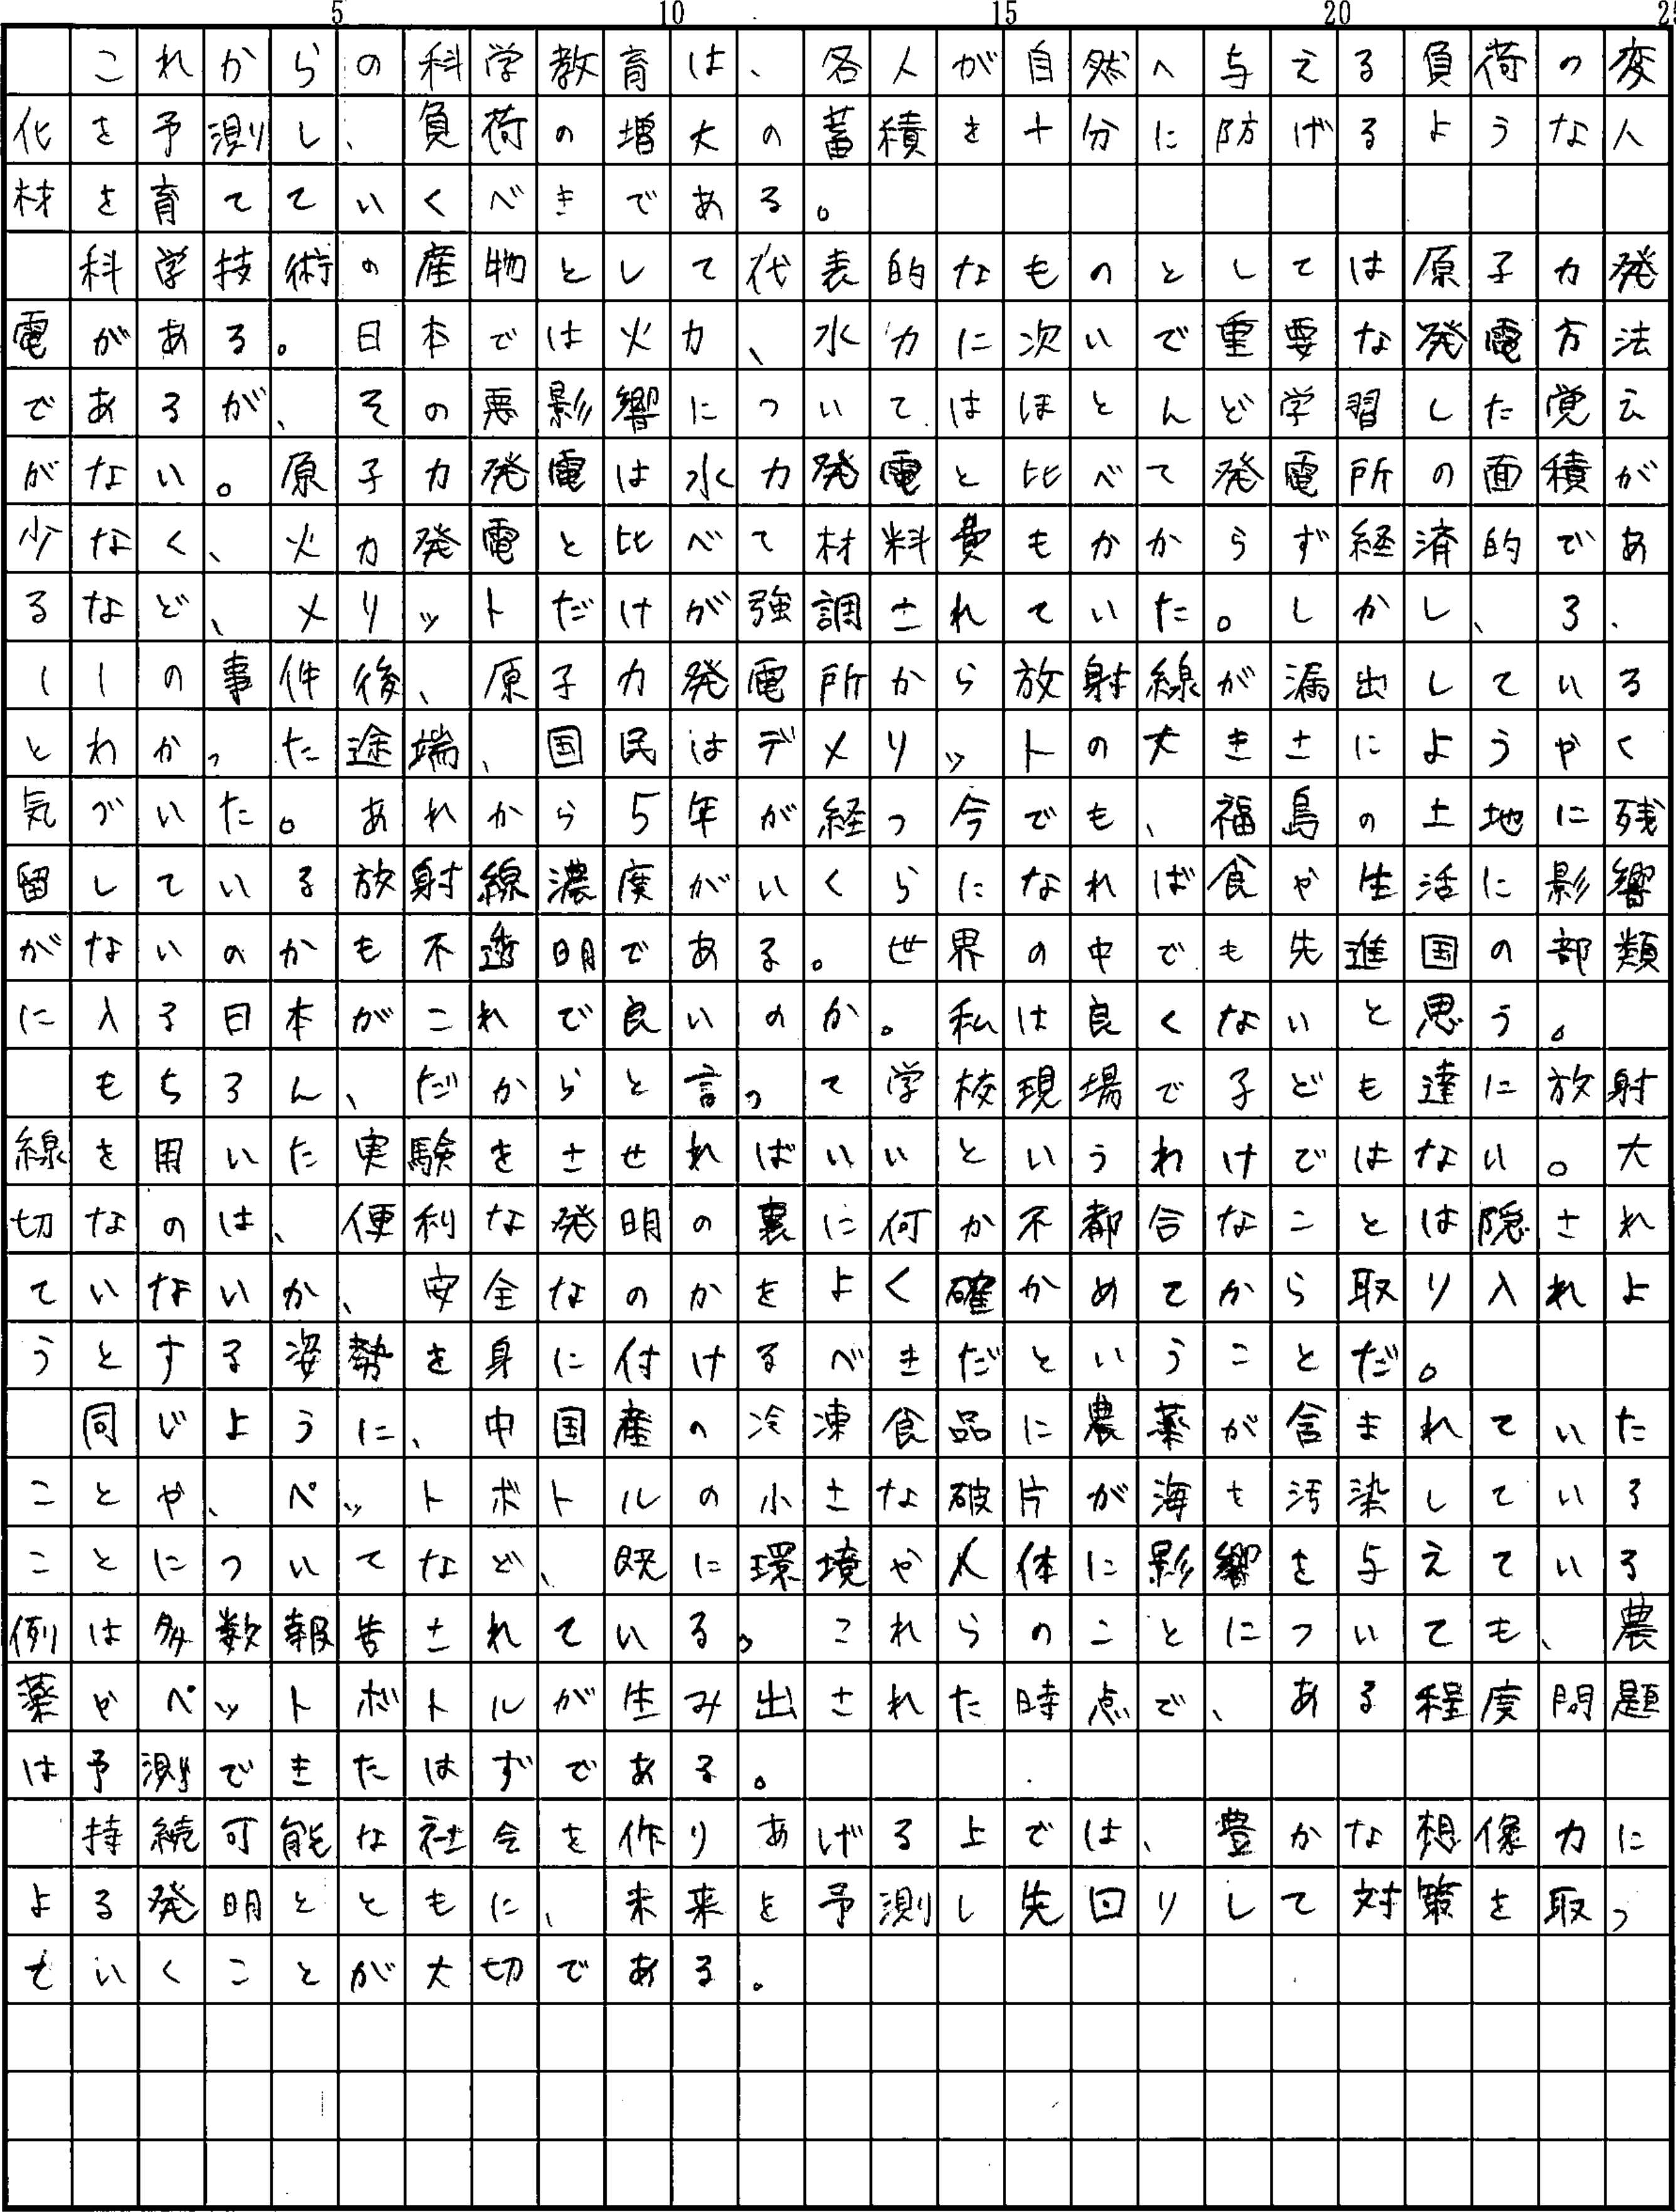　これからの科学教育は、各人が自然へ与える負荷の変化を予測し、負荷の増大の蓄積を十分に防げるような人材を育てていくべきである。
　科学技術の産物として代表的なものとしては原子力発電がある。日本では火力、水力に次いで重要な発電方法であるが、その悪影響についてはほとんど学習した覚えがない。原子力発電は水力発電と比べて発電所の面積が少なく、火力発電と比べて材料費もかからず経済的であるなど、メリットだけが強調されていた。しかし、３．１１の事件後、原子力発電所から放射線が漏出しているとわかった途端、国民はデメリットの大きさにようやく気づいた。あれから５年が経つ今でも、福島の土地に残留している放射線濃度がいくらになれば食や生活に影響がないのかも不透明である。世界の中でも先進国の部類に入る日本がこれで良いのか。私は良くないと思う。
　もちろん、だからと言って学校現場で子ども達に放射線を用いた実験をさせればいいというわけではない。大切なのは、便利な発明の裏に何か不都合なことは隠されていないか、安全なのかをよく確かめてから取り入れようとする姿勢を身に付けるべきだということだ。
　同じように、中国産の冷凍食品に農薬が含まれていたことや、ペットボトルの小さな破片が海を汚染していることについてなど、既に環境や人体に影響を与えている例は多数報告されている。これらのことについても、農薬やペットボトルが生み出された時点で、ある程度問題は予測できたはずである。
　持続可能な社会を作りあげる上では、豊かな想像力による発明とともに、未来を予測し先回りして対策を取っていくことが大切である。
